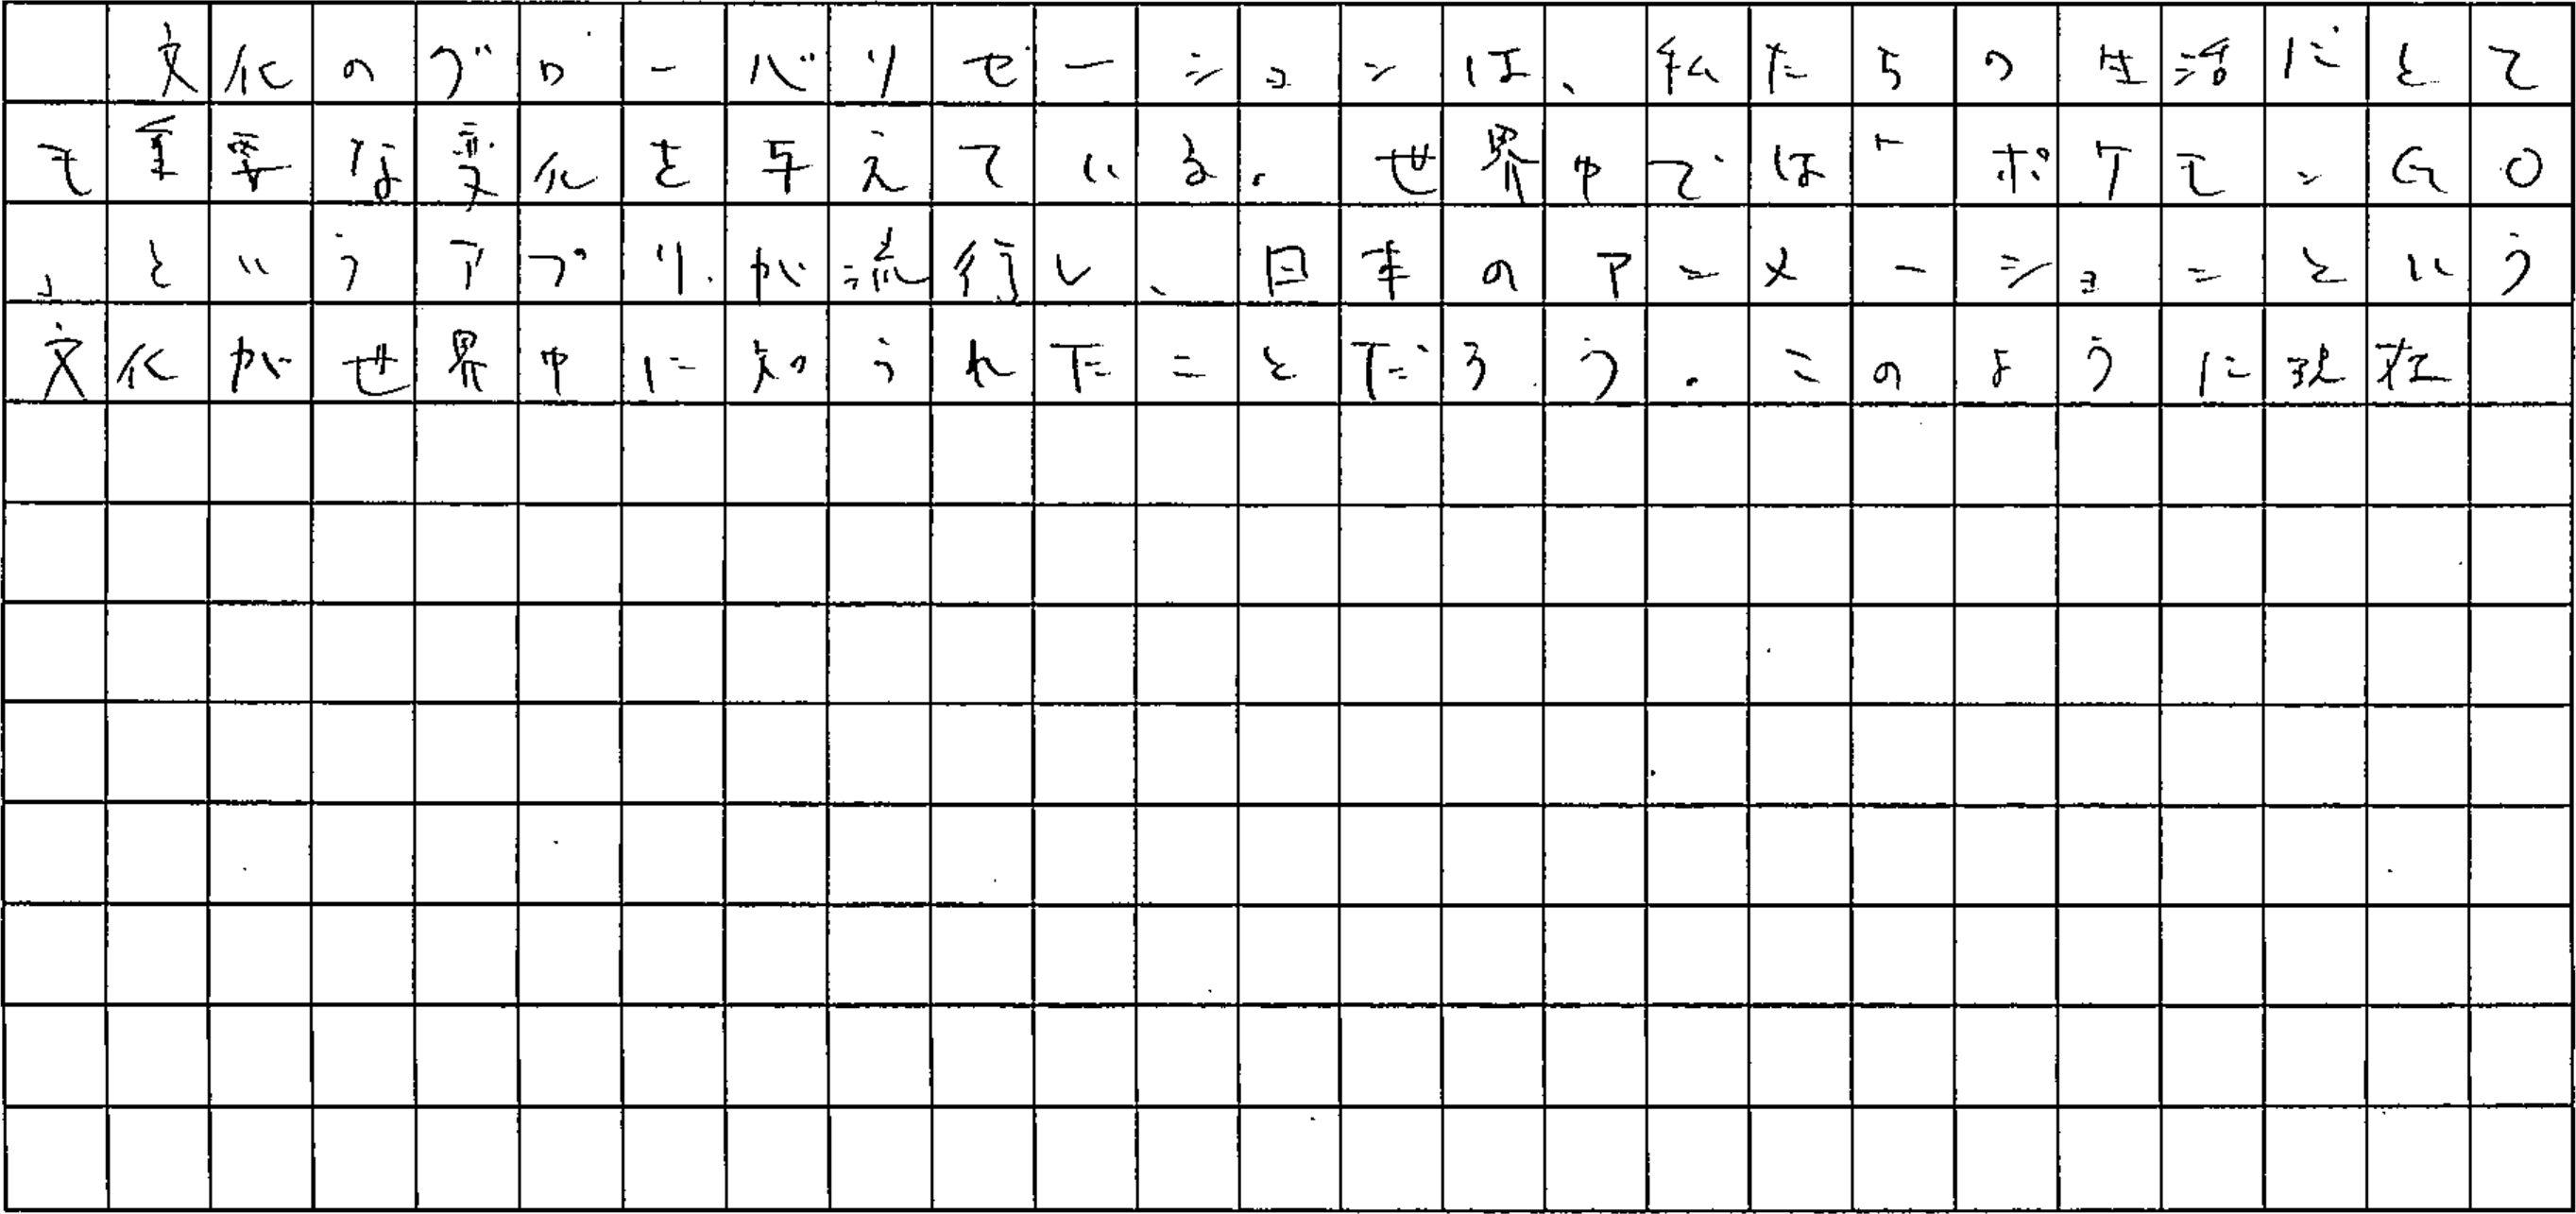　文化のグローバリゼーションは、私たちの生活にとても重要な変化を与えている。世界中では「ポケモンＧＯ」というアプリが流行し、日本のアニメーションという文化が世界中に知られたことだろう。このように現在
